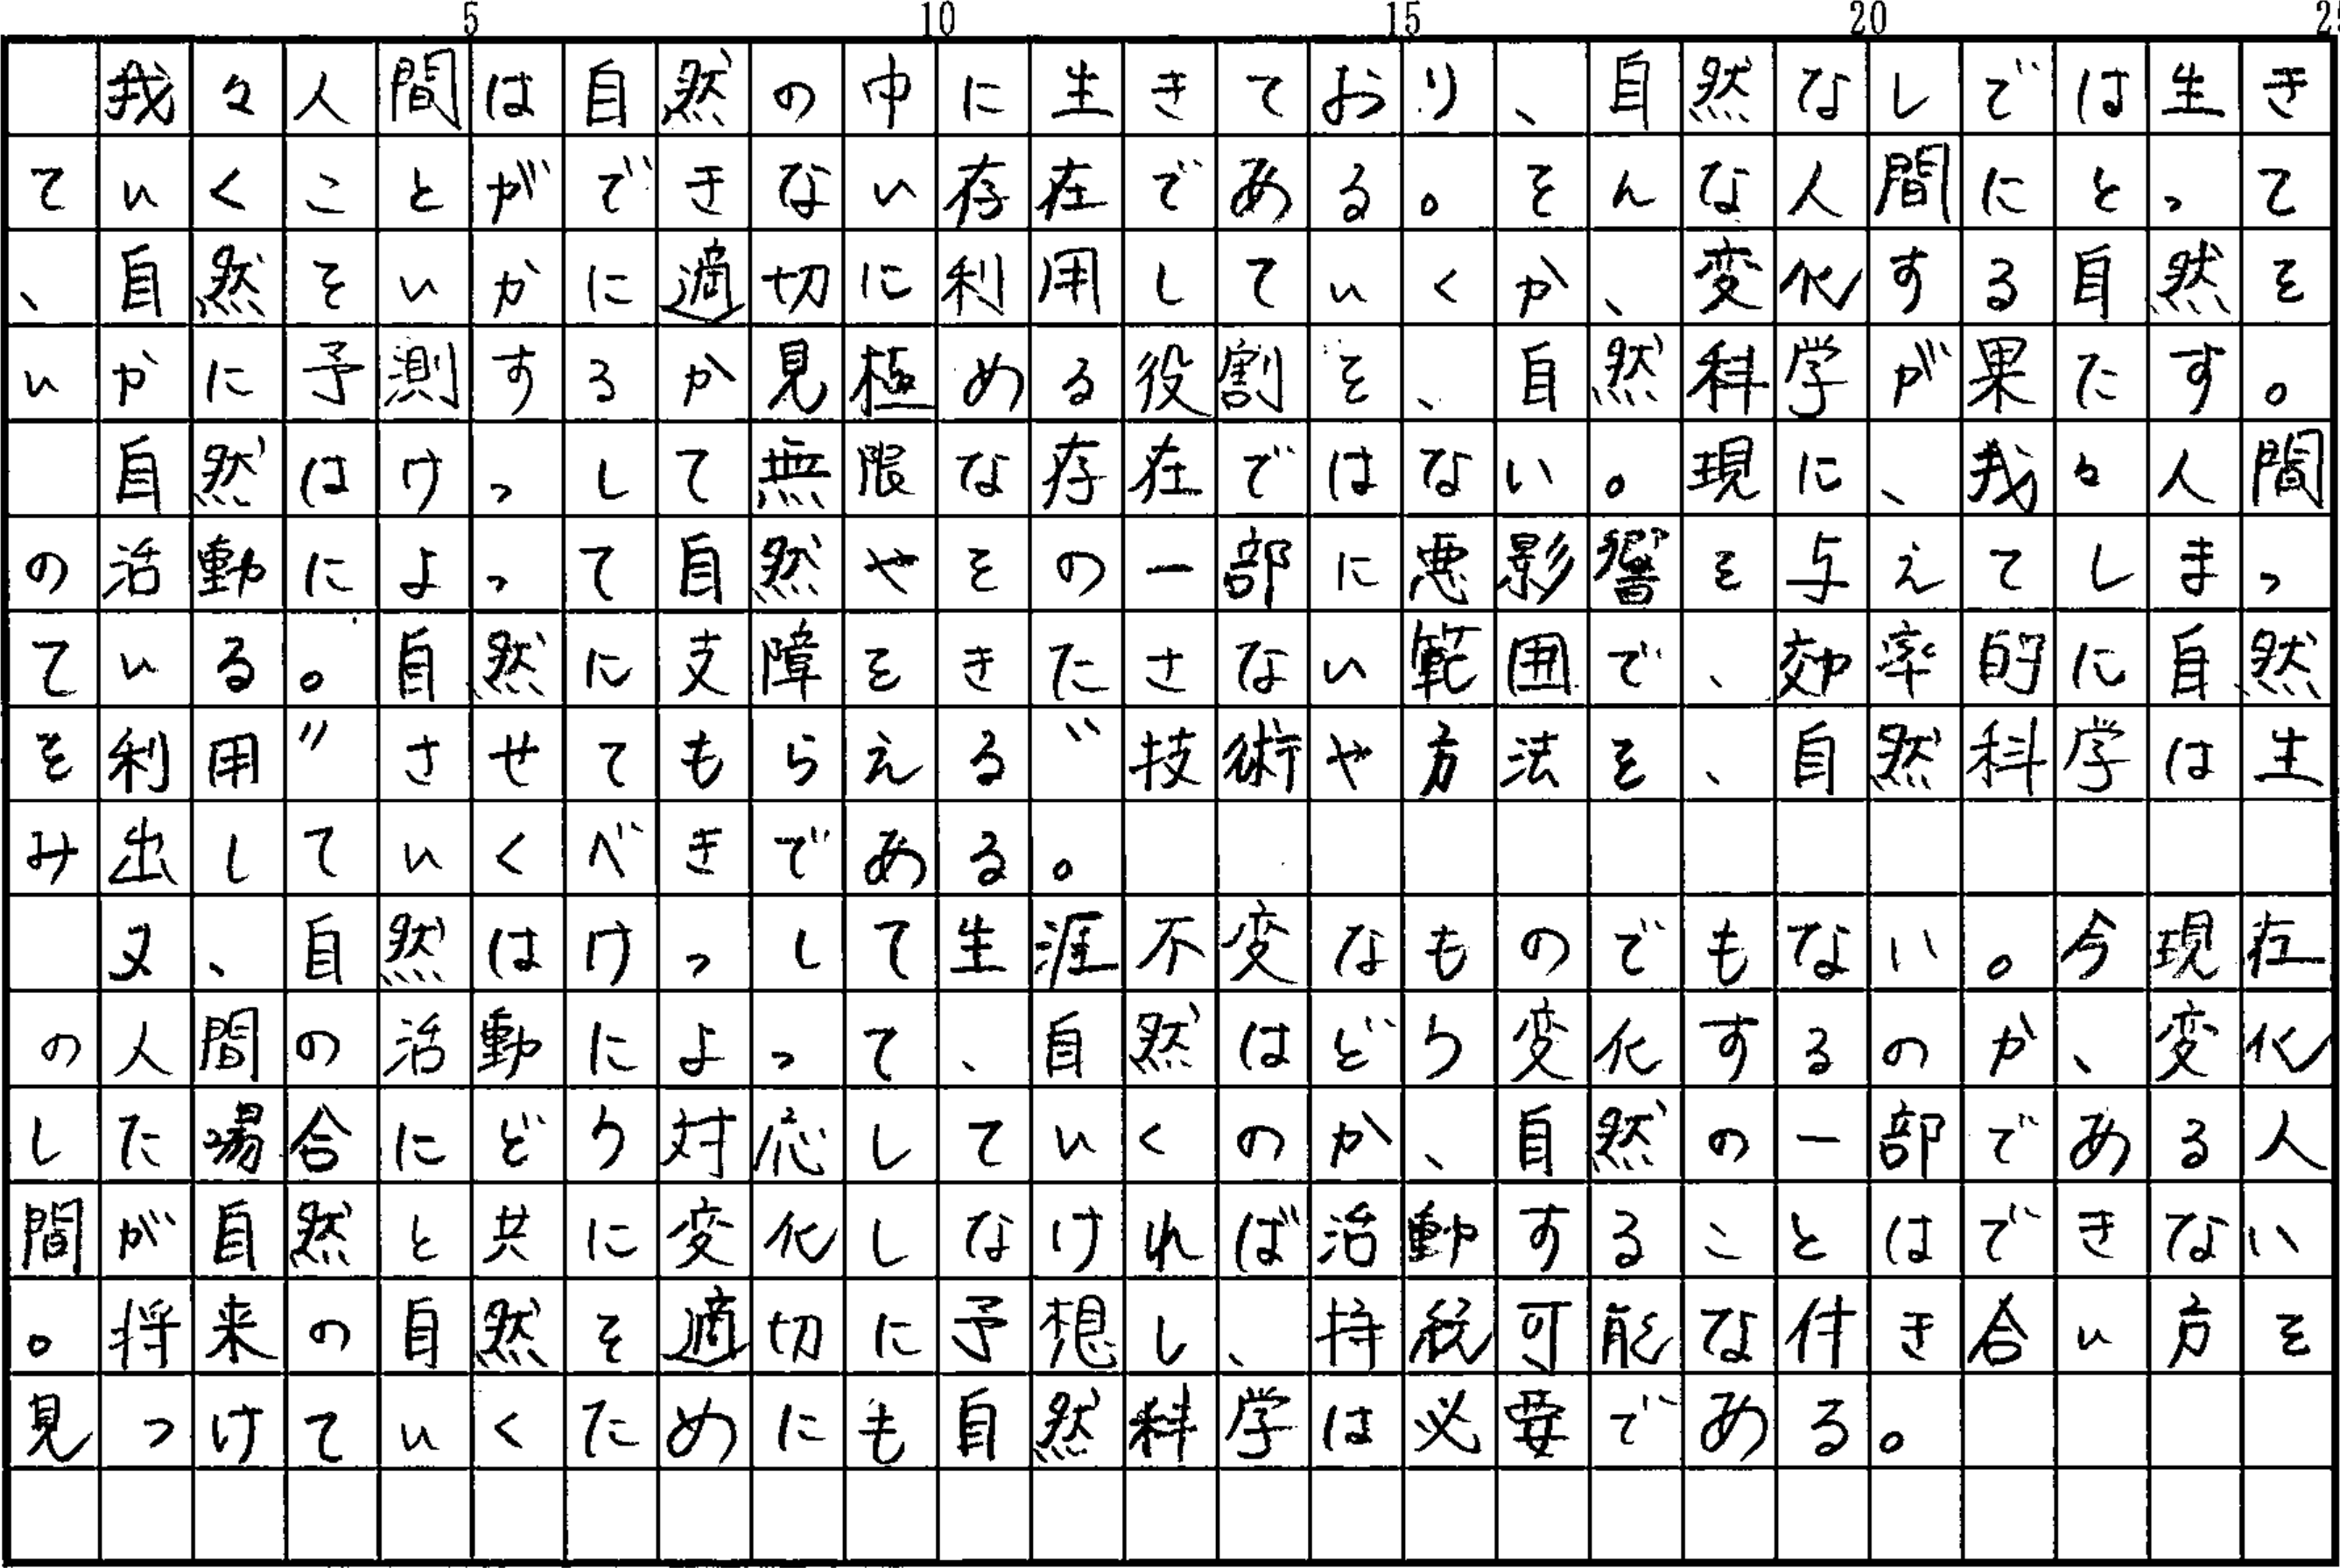　我々人間は自然の中に生きており、自然なしでは生きていくことができない存在である。そんな人間にとって、自然をいかに適切に利用していくか、変化する自然をいかに予測するか見極める役割を、自然科学が果たす。
　自然はけっして無限な存在ではない。現に、我々人間の活動によって自然やその一部に悪影響を与えてしまっている。自然に支障をきたさない範囲で、効率的に自然を利用″させてもらえる〝技術や方法を、自然科学は生み出していくべきである。
　又、自然はけっして生涯不変なものでもない。今現在の人間の活動によって、自然はどう変化するのか、変化した場合にどう対応していくのか、自然の一部である人間が自然と共に変化しなければ活動することはできない。将来の自然を適切に予想し、持続可能な付き合い方を見つけていくためにも自然科学は必要である。
